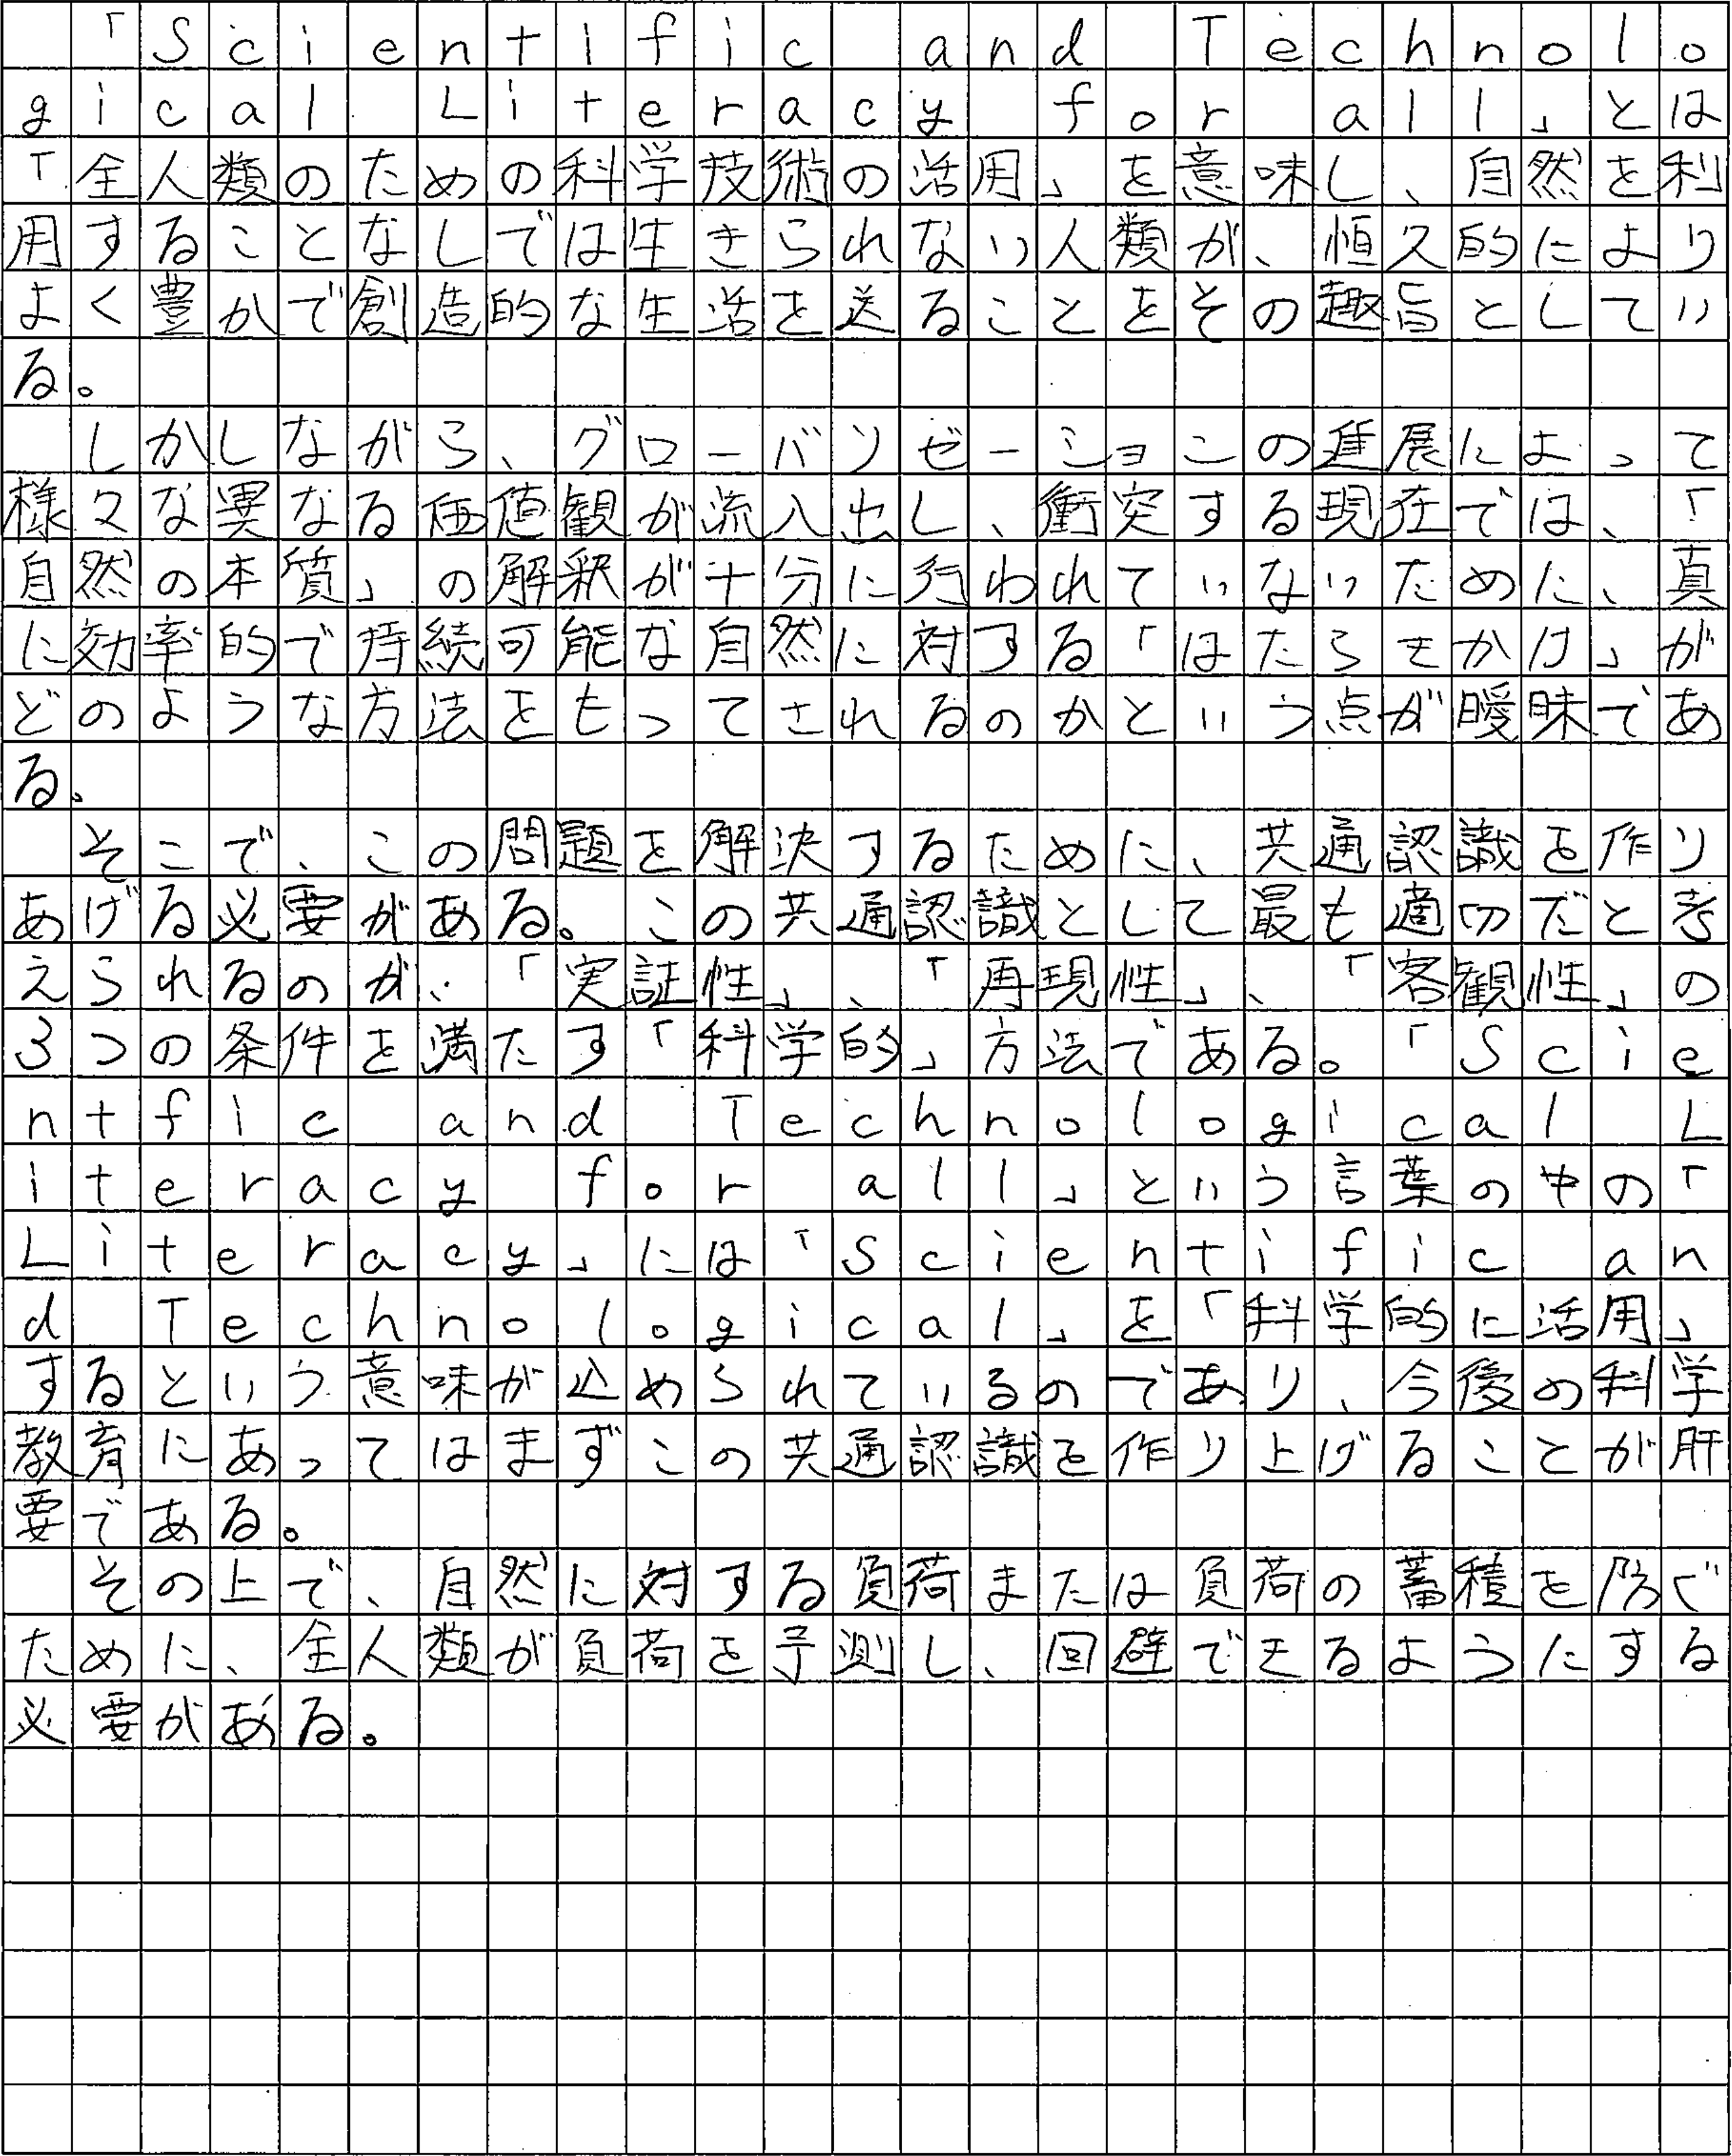　「Ｓｃｉｅｎｔｉｆｉｃ　ａｎｄ　Ｔｅｃｈｎｏｌｏｇｉｃａｌ　Ｌｉｔｅｒａｃｙ　ｆｏｒ　ａｌｌ」とは「全人類のための科学技術の活用」を意味し、自然を利用することなしでは生きられない人類が、恒久的によりよく豊かで創造的な生活を送ることをその趣旨としている。
　しかしながら、グローバリゼーションの進展によって様々な異なる価値観が流入出し、衝突する現在では、「自然の本質」の解釈が十分に行われていないために、真に効率的で持続可能な自然に対する「はたらきかけ」がどのような方法をもってされるのかという点が曖昧である。
　そこで、この問題を解決するために、共通認識を作りあげる必要がある。この共通認識として最も適切だと考えられるのが、「実証性」、「再現性」、「客観性」の３つの条件を満たす「科学的」方法である。「Ｓｃｉｅｎｔｆｉｃ　ａｎｄ　Ｔｅｃｈｎｏｌｏｇｉｃａｌ　Ｌｉｔｅｒａｃｙ　ｆｏｒ　ａｌｌ」という言葉の中の「Ｌｉｔｅｒａｃｙ」には「Ｓｃｉｅｎｔｉｆｉｃ　ａｎｄ　Ｔｅｃｈｎｏｌｏｇｉｃａｌ」を「科学的に活用」するという意味が込められているのであり、今後の科学教育にあってはまずこの共通認識を作り上げることが肝要である。
　その上で、自然に対する負荷または負荷の蓄積を防ぐために、全人類が負荷を予測し、回避できるようにする必要がある。
